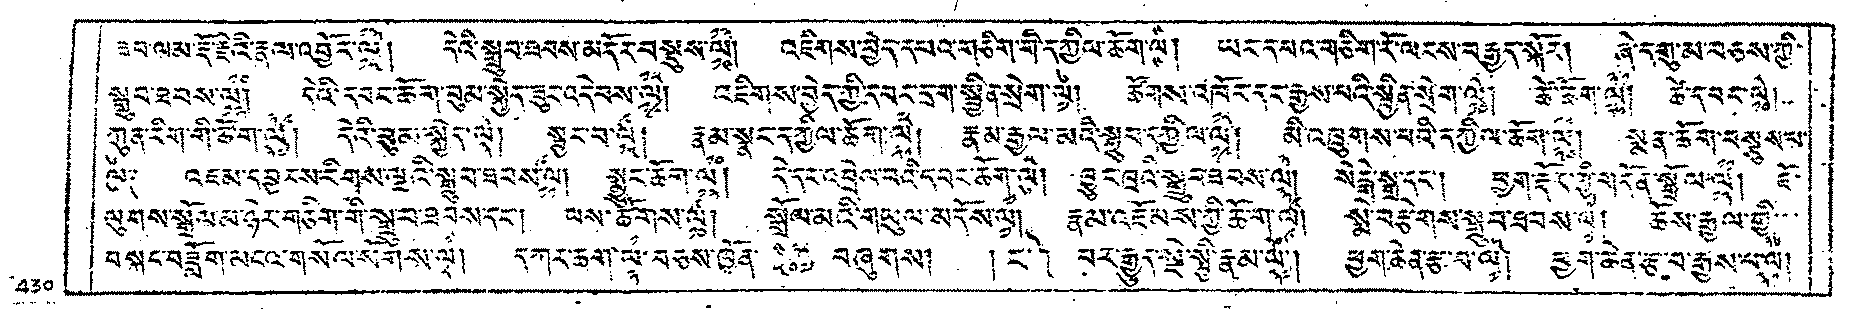ཟབ་ལམ་རྡོ་རྗེའི་རྣལ་འབྱོར ༡༣་ལ ༡༥། དེའི་སྒྲུབ་ཐབས་མདོར་བསྡུས ༡༣་ལ ༡༤། འཇིགས་བྱེད་དཔའ་གཅིག་གི་དཀྱིལ་ཆོག ༤་ལ ༤། ཡང་དཔའ་གཅིག་རོ་ལངས་བརྒྱད་སྐོར། ཞེ་དགུ་མ་བཅས་ཀྱི་
སྒྲུབ་ཐབས ༡༠་ལ ༡༢། དེའི་དབང་ཆོག་བུམ་སྐྱེད་ཟུང་འདེབས ༡༥་ལ ༡༩། འཇིགས་བྱེད་ཀྱི་དབང་དྲག་སྦྱིན་སྲེག ༦་ལ ༧། ཚོགས་འཁོར་དང་རྒྱས་པའི་སྦྱིན་སྲེག་ལེ ༡༠། ཚེ་ཆོག ༢༡་ལ ༢༦། ཚེ་དབང་ལེ ༡༠།
ཀུན་རིག་གི་ཆོ་ག ༢༩་ལ ༣༧། དེའི་བུམ་སྐྱེད ༢་ལ ༣། སྦྱང་བ ༩་ལ ༡༥། རྣམ་སྣང་དཀྱིལ་ཆོག ༡༨་ལ ༢༡། རྣམ་རྒྱལ་མའི་སྒྲུབ་དཀྱིལ ༡༨་ལ ༡༨། མི་འཁྲུགས་པའི་དཀྱིལ་ཆོག ༡༩་ལ ༢༠། སྨན་ཆོག་བསྡུས་པ་
༦་ལ ༦། འཇམ་དབྱངས་རིགས་ལྔའི་སྒྲུབ་ཐབས ༦་ལ ༡༡། སྨྱུང་ཆོག ༡༠་ལ ༡༢། དེ་དང་འབྲེལ་བའི་དབང་ཆོག ༥་ལ ༦། ཁྱུང་ཁྲའི་སྒྲུབ་ཐབས ༢་ལ ༣། སེངྒེ་སྒྲ་དང་། ཕྱག་རྡོར་གྱི་གདོན་སྒྲོལ ༡༡་ལ ༡༢། ཇོ་
ལུགས་སྒྲོལ་མ་ཉེར་གཅིག་གི་སྒྲུབ་ཐབས་དང་། ལས་ཚོགས ༡༢་ལ ༡༠། སྒྲོལ་མའི་གཡུལ་མདོས ༧་ལ ༧། རྣམ་འཇོམས་ཀྱི་ཆོ་ག ༩་ལ ༩། སྨེ་བརྩེགས་སྒྲུབ་ཐབས་ལ། ཆོས་རྒྱལ་གྱི་
བསྐང་བཟློག་མངའ་གསོལ་སོགས ༧་ལ ༨། དཀར་ཆག ༡་ལ ༢་བཅས་ཁྱོན ༤༢༨ ༥༠༧་བཞུགས། །ང྄་པར་རྒྱུད་སྡེ་སྤྱི་རྣམ ༢༠༩་ལ ༢༧། ཕྱག་ཆེན་རྩ་བ ༥་ལ ༧། ཕྱག་ཆེན་རྩ་བ་རྒྱས་པ ༢༦་ལ ༣༡།